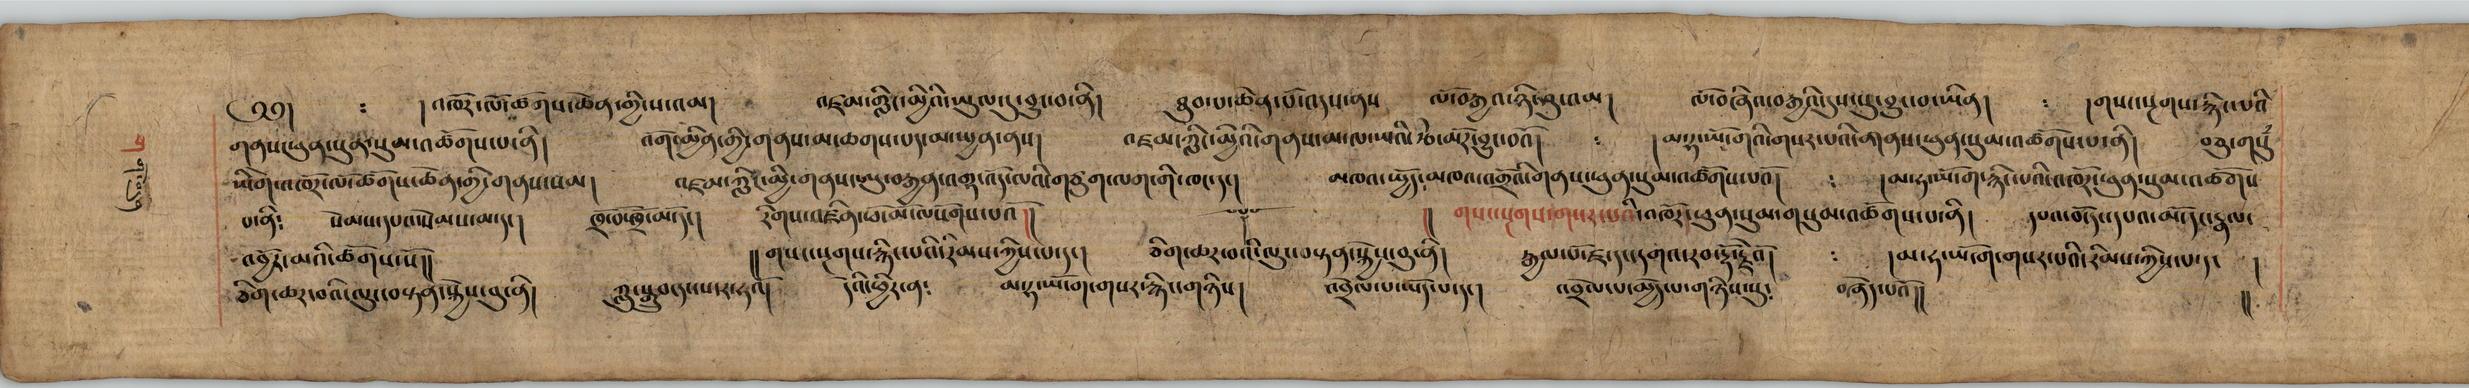༄༅། །འཁོར་ལོ་ཚོགས་ཆེན་གྱི་ས་འམ། འཛམ་གླིང་མྱིའི་ཡུལ་དུ་བྱུང་བ་ནི། ཐུབ་པ་ཆེན་པོ་འདས་ནས། ལོ་བརྒྱའ་ཉི་ཤུ་འམ། ལོ་བཞིའ་བརྒྱའི་དུས་སུ་བྱུང་བ་ཡིན། །གསང་སྔགས་རྙིང་པའི
གནས་ཕུན་སུམ་འཚོགས་པ་ནི། འོག་མྱིན་གྱི་གནས་མ་ཆགས་པད་མ་ཆགས་པད་མ་སྤྱན་ནས། འཛམ་ཀླིང་མྱིའི་གནས་མ་ལ་ཡའི་རྩེ་མོར་བྱུང་བའོ། །མ་ཧ་ཡོ་གའི་གསར་པའི་གནས་ཕུན་སུམ་འཚོགས་པ་ནི། །མ་ཧ་ཡོ་གའི་གསར་པའི་གནས་ཕུན་སུམ་འཚོགས་པ་ནི། བཅུ་གསུ
ཡེགེ་འཁོར་ལོ་ཚོགས་ཆེན་གྱི་གནས་སམ། འཛམ་ཀླིང་མྱི་གནས་ཨུ་བརྒྱན་འགྷ་འོད་ལའི་གཙུག་ལག་གི་ཁང་དང། མཁའ་སྤྱོད་མཁའ་འགྲོའི་གནས་ཕུན་སུམ་འཚོགས་པའོ། །མ་ཧ་ཡོ་ག་རྙིང་པའི་འཁོར་ཕུན་སུམ་འཚོགས
པ་ནི༴ སེམས་དཔའ་སེམས་མ་དང། ཁྲོ་བོ་ཁྲོ་མོ་དང། རིགས་འཛིན་ཕོ་མོ་ལསོགས་པའོ།། ། །། གསང་སྔགས་གསར་པའི་འཁོར་ཕུན་གསུམ་འཚོགས་པ་ནི། དཔའ་བོ་དང་དཔའ་མོ་དང་རྣལ་
འབྱོར་མའི་ཚོགས་སོ།། །།གསང་སྔགས་རྙིང་པའི་རིམས་ཀྱིས་པ་དང། ཅིག་ཆར་བའི་ལུང་བསྟན་སྐྱེས་བུ་ནི། རྒྱལ་པོ་ཛ་དང་དགའ་རབ་རྡོ་རྗེའོ། །མ་ཧ་ཡོ་ག་གསར་པའི་རིམས་ཀྱིས་པ་དང
ཅིག་ཆར་བའི་ལུང་བསྟན་སྐྱེས་བུ་ནི། ཀླུ་སྒྲུབ་དང་ས་ར་ཧའོ། དེའི་ཕྱིར་ན༴ མ་ཧ་ཡོ་ག་གསར་རྙིང་གཉིས། འབྲེལ་པ་ཡོད་པ་དང། འབྲེལ་པ་མྱེད་པ་གཉིས་སུ༴ བཞེད་པའོ།།